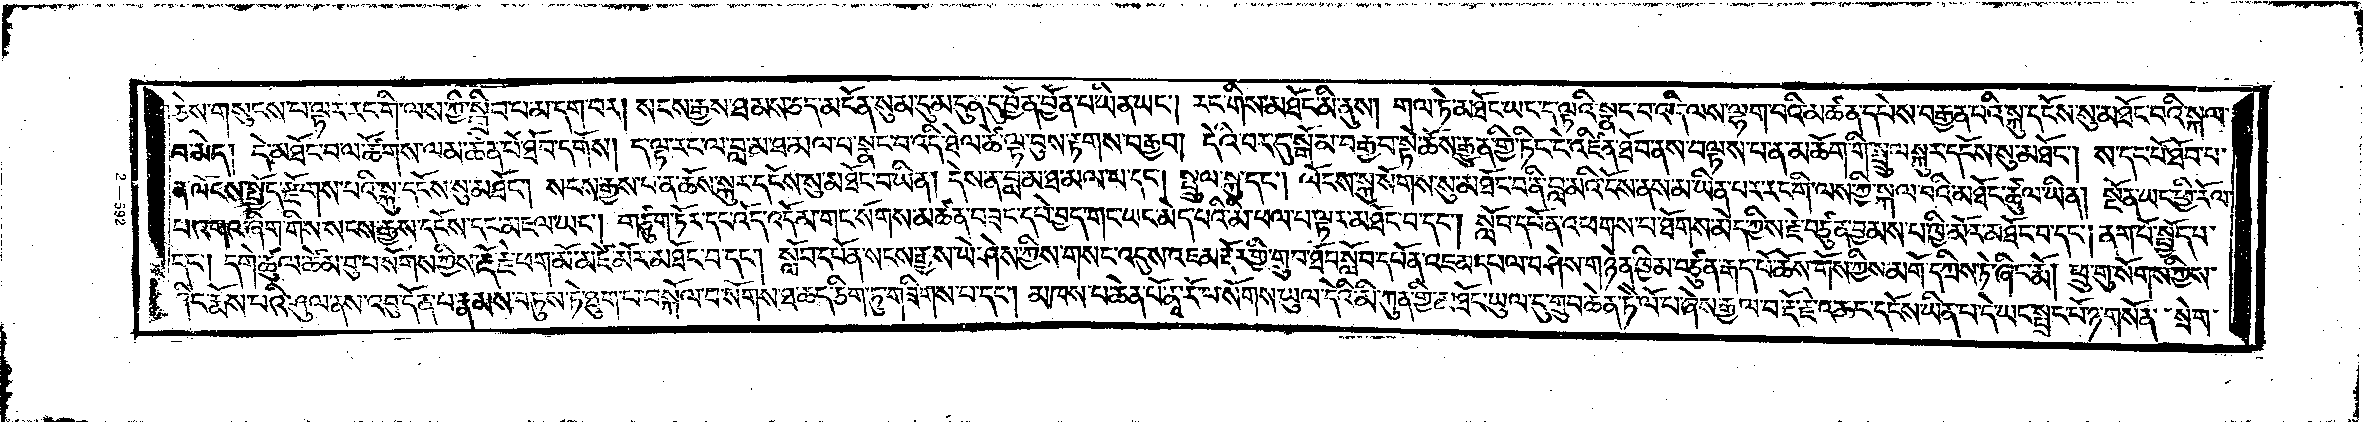ཅེས་གསུངས་པ་ལྟར་རང་གི་ལས་ཀྱི་སྒྲིབ་པ་མ་དག་བར། སངས་རྒྱས་ཐམས་ཅད་མངོན་སུམ་དུ་མདུན་དུ་བྱོན་བྱོན་པ་ཡིན་ཡང་། རང་གིས་མཐོང་མི་ནུས། གལ་ཏེ་མཐོང་ཡང་ད་ལྟའི་སྣང་བ་འདི་ལས་ལྷག་པའི་མཚན་དཔེས་བརྒྱན་པའི་སྐུ་དངོས་སུ་མཐོང་བའི་སྐལ་
བ་མེད། དེ་མཐོང་བ་ལ་ཚོགས་ལམ་ཆེན་པོ་ཐོབ་དགོས། ད་ལྟ་རང་ལ་བླ་མ་ཐ་མལ་པ་སྣང་བ་འདི་ཐེལ་ཚེ་ལྟ་བུས་རྟགས་བརྒྱབ། དེའི་བར་དུ་སྒོམ་བརྒྱབ་སྟེ་ཆོས་རྒྱུན་གྱི་ཏིང་ངེ་འཛིན་ཐོབ་ནས་བལྟས་པ་ན་མཆོག་གི་སྤྲུལ་སྐུར་དངོས་སུ་མཐོང་། ས་དང་པོ་ཐོབ་པ་
ན་ལོངས་སྤྱོད་རྫོགས་པའི་སྐུ་དངོས་སུ་མཐོང་། སངས་རྒྱས་པ་ན་ཆོས་སྐུར་དངོས་སུ་མཐོང་བ་ཡིན། དེས་ན་བླ་མ་ཐ་མལ་ལ་དང་། སྤྲུལ་སྐུ་དང་། ལོངས་སྐུ་སོགས་སུ་མཐོང་བ་ནི་བླ་མའི་ངོས་ནས་མ་ཡིན་པར་རང་གི་ལས་ཀྱི་སྐལ་བའི་མཐོང་ཚུལ་ཡིན། སྔོན་ཡང་ཕྱི་རོལ་
པ་འགའ་ཞིག་གིས་སངས་རྒྱས་དངོས་དང་མཇལ་ཡང་། གཙུག་ཏོར་དང་འོད་འདོམ་གང་སོགས་མཚན་བཟང་དཔེ་བྱད་གང་ཡང་མེད་པའི་མི་ཕལ་པ་ལྟར་མཐོང་བ་དང་། སློབ་དཔོན་འཕགས་པ་ཐོགས་མེད་ཀྱིས་རྗེ་བཙུན་བྱམས་པ་ཁྱི་མོར་མཐོང་བ་དང་། ནག་པོ་སྤྱོད་པ་
དང་། དགེ་ཚུལ་ཚེམ་བུ་པ་སོགས་ཀྱིས་རྡོ་རྗེ་ཕག་མོ་མཛེ་མོར་མཐོང་བ་དང་། སློབ་དཔོན་སངས་རྒྱས་ཡེ་ཤེས་ཀྱིས་གསང་འདུས་འཇམ་རྡོར་གྱི་གྲུབ་ཐོབ་སློབ་དཔོན་འཇམ་དཔལ་བཤེས་གཉེན་ཁྱིམ་བཙུན་རྒད་པོ་ཆོས་གོས་ཀྱིས་མགོ་དཀྲིས་ཏེ་ཞིང་རྨོ། ཕྲུ་གུ་སོགས་ཀྱིས་
ཞིང་རྨོས་པའི་ཤུལ་ནས་འབུ་དོན་པ་རྣམས་བཏུས་ཏེ་ཐུག་པ་བསྐོལ་བ་སོགས་ཐ་ཆད་ཅིག་ཏུ་གཟིགས་པ་དང་། མཁས་པ་ཆེན་པོ་ནཱ་རོ་པ་སོགས་ཡུལ་དེའི་མི་ཀུན་གྱི་མཐོང་ཡུལ་དུ་གྲུབ་ཆེན་ཏཻ་ལོ་པ་ཞེས་རྒྱལ་བ་རྡོ་རྗེ་འཆང་དངོས་ཡིན་པ་དེ་ཡང་སྤྲང་པོ་ཉ་གསོན་སྲེག་